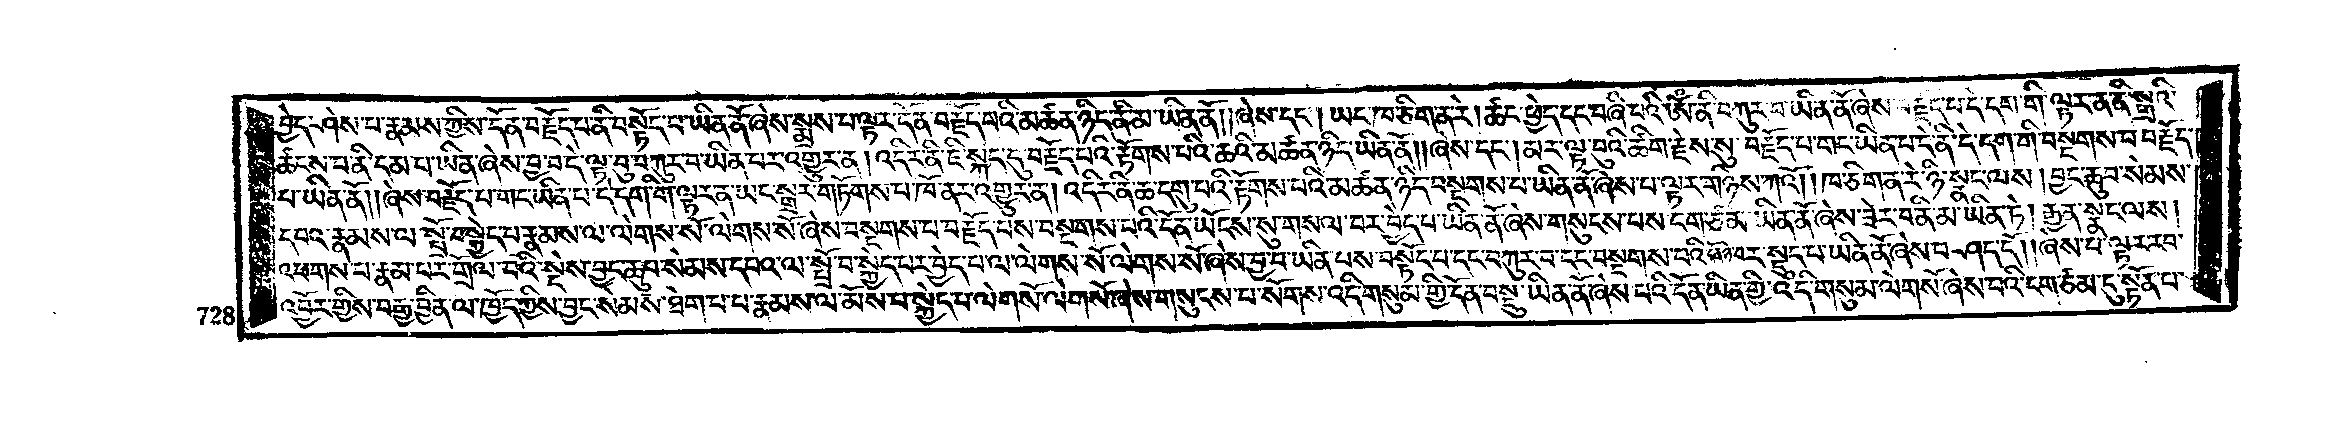བྱེད་ཤེས་པ་རྣམས་ཀྱིས་དོན་བརྗོད་པ་ནི་བསྟོད་པ་ཡིན་ནོ་ཞེས་སྨྲས་པ་ལྟར་དོན་བརྗོད་པའི་མཚན་ཉིད་ནི་མ་ཡིན་ནོ། །ཞེས་དང་། ཡང་ཁ་ཅིག་ན་རེ། ཚད་ཕྱེད་དང་བཞི་པའི་ཨོཾ་ནི་བཀུར་བ་ཡིན་ནོ་ཞེས་བརྗོད་པ་དེ་དག་གི་ལྟར་ན་ནི་སྒྲའི་
ཚངས་པ་ནི་དམ་པ་ཡིན་ཞེས་བྱ་བ་དེ་ལྟ་བུ་བཀུར་བ་ཡིན་པར་འགྱུར་ན། འདིར་ནི་ཇི་སྐད་དུ་བརྗོད་པའི་རྟོགས་པའི་ཆའི་མཚན་ཉིད་ཡིན་ནོ། །ཞེས་དང་། མར་ལྟ་བུའི་ཚིག་རྗེས་སུ་བརྗོད་པ་གང་ཡིན་པ་དེ་ནི་དེ་དག་གི་བསྔགས་པ་བརྗོད་
པ་ཡིན་ནོ། །ཞེས་བརྗོད་པ་གང་ཡིན་པ་དེ་དག་གི་ལྟར་ན་ཡང་སྒྲར་གཏོགས་པ་ཁོ་ནར་འགྱུར་ན། འདིར་ནི་ཆ་དགུ་པའི་རྟོགས་པའི་མཚན་ཉིད་བསྔགས་པ་ཡིན་ནོ་ཞེས་པ་ལྟར་གཉིས་ཀའོ། །ཁ་ཅིག་ན་རེ་ཉི་སྣང་ལས། བྱང་ཆུབ་སེམས་
དཔའ་རྣམས་ལ་སྤྲོ་བ་སྐྱེད་པ་རྣམས་ལ་ལེགས་སོ་ལེགས་སོ་ཞེས་བསྔགས་པ་བརྗོད་པས་བསྔགས་པའི་དོན་ཡོངས་སུ་གསལ་བར་བྱེད་པ་ཡིན་ནོ་ཞེས་གསུངས་པས་ངག་ཙམ་ཡིན་ནོ་ཞེས་ཟེར་བ་ནི་མ་ཡིན་ཏེ། རྒྱན་སྣང་ལས།
འཕགས་པ་རྣམ་པར་གྲོལ་བའི་སྡེས་བྱང་ཆུབ་སེམས་དཔའ་ལ་སྤྲོ་བ་སྐྱེད་པར་བྱེད་པ་ལ་ལེགས་སོ་ལེགས་སོ་ཞེས་བྱ་བ་ཡིན་པས་བསྟོད་པ་དང་བཀུར་བ་དང་བསྔགས་པའི་དོན་ཉེ་བར་སྡུད་པ་ཡིན་ནོ་ཞེས་བཤད་དོ། །ཞེས་པ་ལྟར་རབ་
འབྱོར་གྱིས་བརྒྱ་བྱིན་ལ་ཁྱོད་ཀྱིས་བྱང་སེམས་ཐེག་པ་པ་རྣམས་ལ་མོས་པ་སྐྱེད་པ་ལེགས་སོ་ལེགས་སོ་ཞེས་གསུངས་པ་སོགས་འདི་གསུམ་གྱི་དོན་བསྡུ་ཡིན་ནོ་ཞེས་པའི་དོན་ཡིན་གྱི་འདི་གསུམ་ལེགས་སོ་ཞེས་པའི་ངག་ཙམ་དུ་སྟོན་པ་